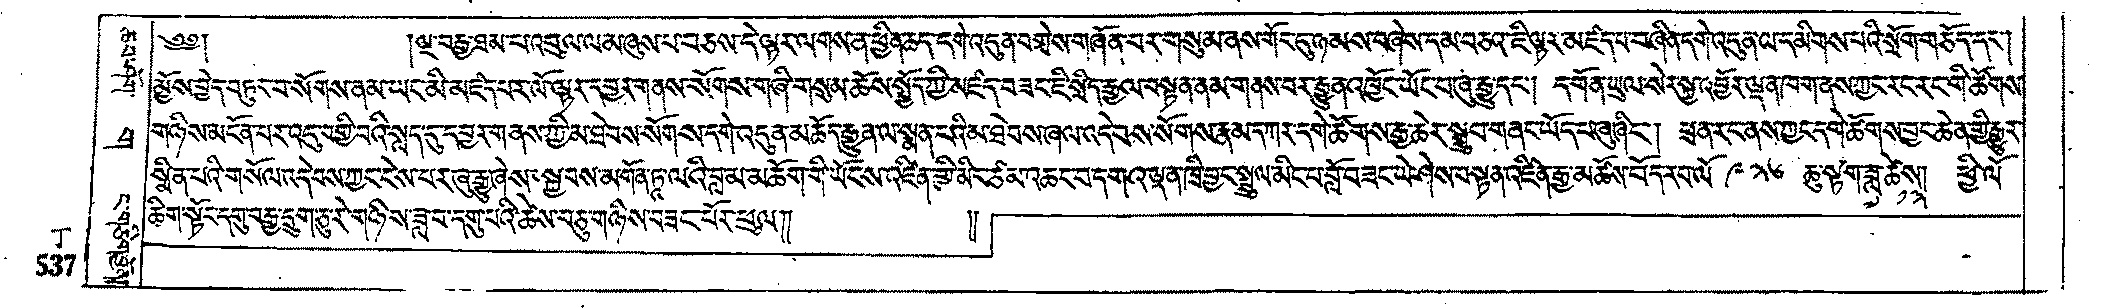༄༅། །ལྔ་བརྒྱ་ཐམ་པ་འབུལ་ལམ་ཞུས་པ་བཅས་དེ་ལྟར་ལགས་ན་ཕྱིན་ཆད་དགེ་འདུན་བགྲེས་གཞོན་བར་གསུམ་ནས་གོང་དུ་ཉམས་བཞེས་དམ་བཅའ་ཇི་ལྟར་མཛད་པ་བཞིན་དགེ་འདུན་ལ་དམིགས་པའི་སྲོག་གཅོད་དང་།
མྱོས་བྱེད་བཏུང་བ་སོགས་ནམ་ཡང་མི་མཛད་པར་ལོ་ལྟར་དབྱར་གནས་སོགས་གཞི་གསུམ་ཆོས་སྤྱོད་ཀྱི་མཛད་བཟང་ཇི་སྲིད་རྒྱལ་བསྟན་ནམ་གནས་བར་རྒྱུན་འཁྱོང་ཡོང་བ་ཞུ་རྒྱུ་དང་། དགོན་ཡུལ་སེར་སྐྱ་འབྱོར་ལྡན་ཁག་ནས་ཀྱང་རང་རང་གི་ཚོགས་
གཉིས་མངོན་པར་འདུ་བགྱི་བའི་སླད་དུ་དབྱར་གནས་ཀྱི་མ་ཐེབས་སོགས་དགེ་འདུན་མཆོད་རྒྱུན་ལ་སྨན་པའི་མ་ཐེབས་ཞལ་འདེབས་སོགས་རྣམ་དཀར་དགེ་ཚོགས་རྒྱ་ཆེར་སྒྲུབ་གནང་ཡོད་པ་ཞུ་ཞིང་། ཕྲན་རང་ནས་ཀྱང་དགེ་ཚོགས་བྱང་ཆེན་གྱི་རྒྱུར་
སྨིན་པའི་གསོལ་འདེབས་ཀྱང་ངེས་པར་ཞུ་རྒྱུ་ཞེས ༧སྐྱབས་མགོན་ཏཱ་ལའི་བླ་མ་མཆོག་གི་ཡོངས་འཛིན་གྱི་མིང་ཙམ་འཆང་བ་དགའ་ལྡན་ཁྲི་བྱང་སྤྲུལ་མིང་པ་བློ་བཟང་ཡེ་ཤེས་བསྟན་འཛིན་རྒྱ་མཚོས་བོད་རབ་ལོ ༩༣༦་ཆུ་སྟག་ཟླ ༧་ཚེས ༡༣། ཕྱི་ལོ་
ཆིག་སྟོང་དགུ་བརྒྱ་དྲུག་ཅུ་རེ་གཉིས་ཟླ་བ་དགུ་པའི་ཚེ་བཅུ་གཉིས་བཟང་པོར་ཕུལ།། །།